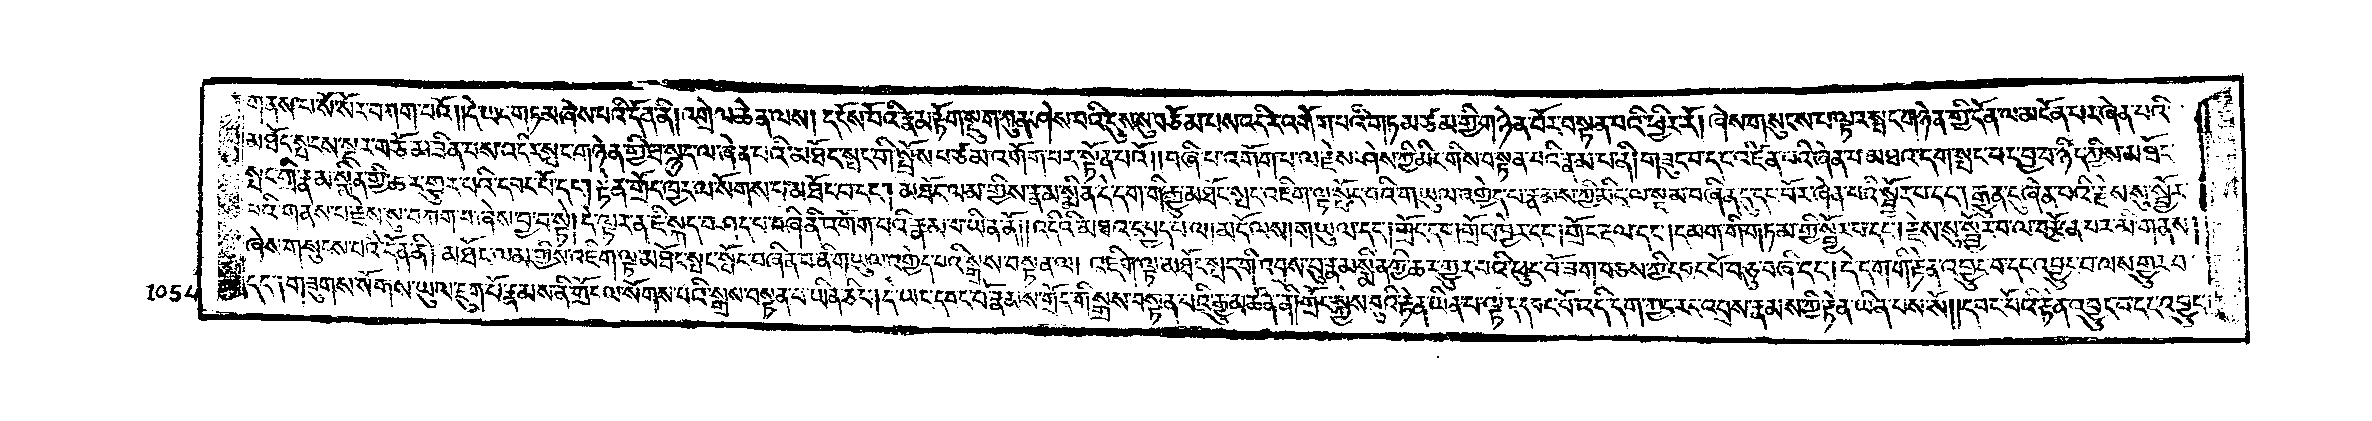གནས་པ་སོ་སོར་བཀག་པའོ། །དེ་ཡང་གཏམ་ཞེས་པའི་དོན་ནི། འགྲེལ་ཆེན་ལས། དངོས་པོའི་རྣམ་རྟོག་སྡུག་ཀུན་ཤེས་པའི་དུས་སུ་བཅོམ་པས་འདིར་འགོག་པའི་གཏམ་ཙམ་གྱི་གཉེན་པོར་བསྟན་པའི་ཕྱིར་རོ། ཞེས་གསུངས་པ་ལྟར་སྤང་གཉེན་གྱི་དོན་ལ་མངོན་པར་ཞེན་པའི་
མཐོང་སྤངས་སྔར་གཅོམ་ཟིན་པས་འདིར་སྤང་གཉེན་གྱི་ཐ་སྙད་ལ་ཞེན་པའི་མཐོང་སྤང་གི་སྤྲོས་པ་ཙམ་འགོག་པར་སྟོན་པའོ། །བཞི་པ་འགོག་པ་ལ་རྗེས་ཤེས་ཀྱི་མིང་གིས་བསྟན་པའི་རྣམ་པ་ནི། གཟུང་བ་དང་འཛིན་པའི་ཞེན་པ་མཐའ་དག་སྤང་པར་བྱ་བ་ཉིད་ཀྱིས་མཐོང་
སྤང་གྲི་རྣམ་སྨིན་གྱི་ཆར་གྱུར་པའི་དབང་པོ་དང་། རྟེན་གྲོང་ཁྱེར་ལ་སོགས་པ་མཐོང་བ་དང་། མཐོང་ལམ་གྱིས་རྣམ་སྨིན་དེ་དག་གི་རྒྱུ་མཐོང་སྤང་འཇིག་ལྟ་སྤོང་བའི་གཡུལ་འགྱེད་པ་རྣམས་ཀྱི་མིང་ལ་སྔ་མ་བཞིན་དུ་དང་པོར་ཞེན་པའི་སྦྱོར་བ་དང་། རྒྱུན་དུ་ཞེན་པའི་རྗེས་སུ་སྦྱོར་
པའི་གནས་པ་རྗེས་སུ་བཀག་པ་ཞེས་བྱ་བ་སྟེ། དེ་ལྟར་ན་ཇི་སྐད་བཤད་པ་བཞི་ནི་འགོག་པའི་རྣམ་པ་ཡིན་ནོ། །འདིའི་མཐའ་དཔྱད་པ་ལ། མདོ་ལས། གཡུལ་དང་། གྲོང་དང་། གྲོང་ཁྱེར་དང་། གྲོང་རྡལ་དང་། དམག་གི་གཏམ་གྱི་སྦྱོར་བ་དང་། རྗེས་སུ་སྦྱོར་བ་ལ་བརྩོན་པར་མི་གནས།
ཞེས་གསུངས་པའི་དོན་ནི། མཐོང་ལམ་གྱིས་འཇིག་ལྟ་མཐོང་སྤང་སྤོང་བཞིན་པ་ནི་གཡུལ་འགྱེད་པའི་སྒྲས་བསྟན་ལ། འཇིག་ལྟ་མཐོང་སྤང་གི་འབྲས་བུ་རྣམ་སྨིན་གྱི་ཆར་གྱུར་པའི་ཕུང་པོ་ཟག་བཅས་ཀྱི་དབང་པོ་བཅུ་བཞི་དང་། དེ་དག་གི་རྟེན་འབྱུང་བ་དང་འབྱུང་བ་ལས་གྱུར་བ་
དང་། གཟུགས་སོགས་ཡུལ་ཇུག་པོ་རྣམས་ནི་གྲོང་ལ་སོགས་པའི་སྒྲས་བསྟན་པ་ཡིན་ཅིང་། དེ་ཡང་དབང་པོ་རྣམས་གྲོང་གི་སྒྲས་བསྟན་པའི་རྒྱུ་མཚན་ནི། གྲོང་སྐྱེས་བུའི་རྟེན་ཡིན་པ་ལྟར་དབང་པོ་འདི་དག་ཀྱང་རང་འབྲས་རྣམས་ཀྱི་རྟེན་ཡིན་པས་སོ། །དབང་པོའི་རྟེན་འབྱུང་བ་དང་འབྱུང་